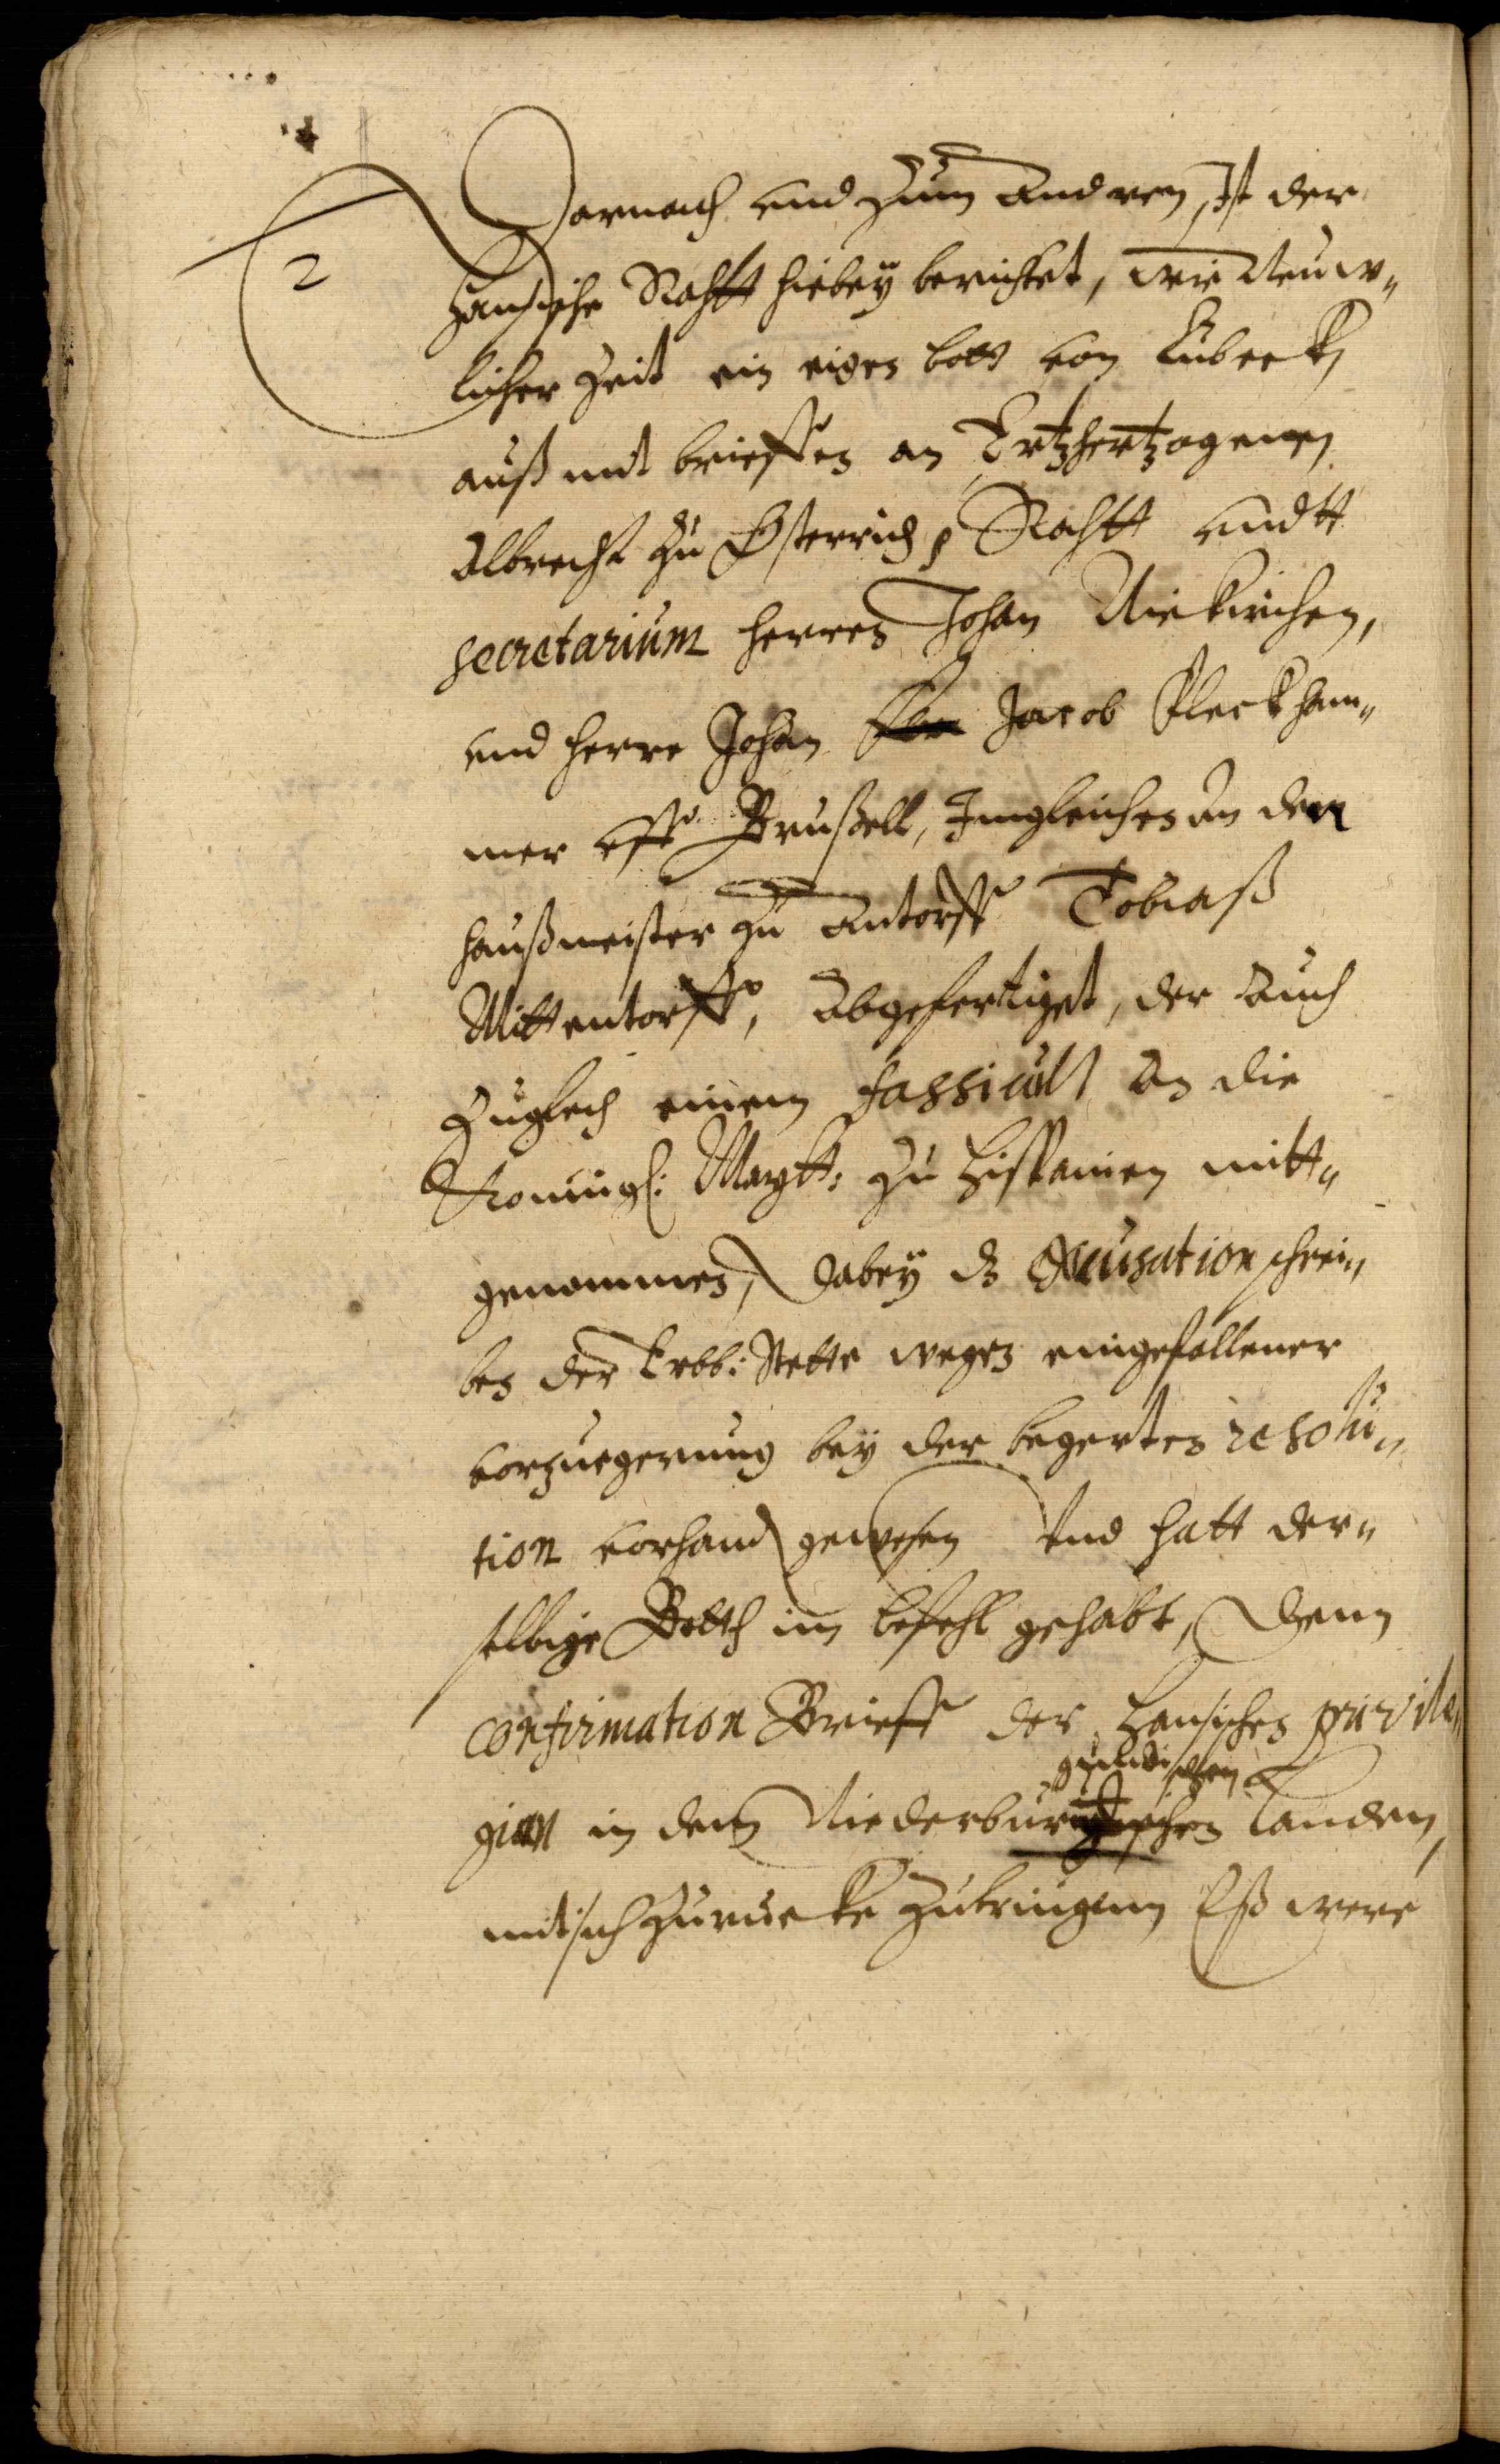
2
Darnach vnd zum Andren, Ist der
Hansische Rahtt hiebeij berichtet, wie Neuer¬
liche Zeit ein eigen bott von Lubeck
auß mit brieffen an Ertzhertzogenn
Albrecht zu Osterrich p Rahtt vndtt
secretarium herren Johan Niekirchen,
vnd herre Johan Kleck Jacob Kleckham¬
mer vff Brußell, Imgleichen An den
haußmeister zu Antorff Tobiaß
Wittentorff, abgefertiget, der Auch
zugleich einen fassicull An die
Konigl: Maytt: zu Hispanien mitt¬
genommen, dabeij das excusation schrei¬
ben der Erbb: Stette wegen eingefallener
vorzuegerung beij der begerten resolu¬
tion vorhanden gewesen Vnd hatt der¬
selbige Botth im befehl gehabt, Denn
confirmation Brieff der Hansischen privile¬
gion in dem Niederburgdischengundischen Landen,
mit sich zurucke zubringen Eß were
